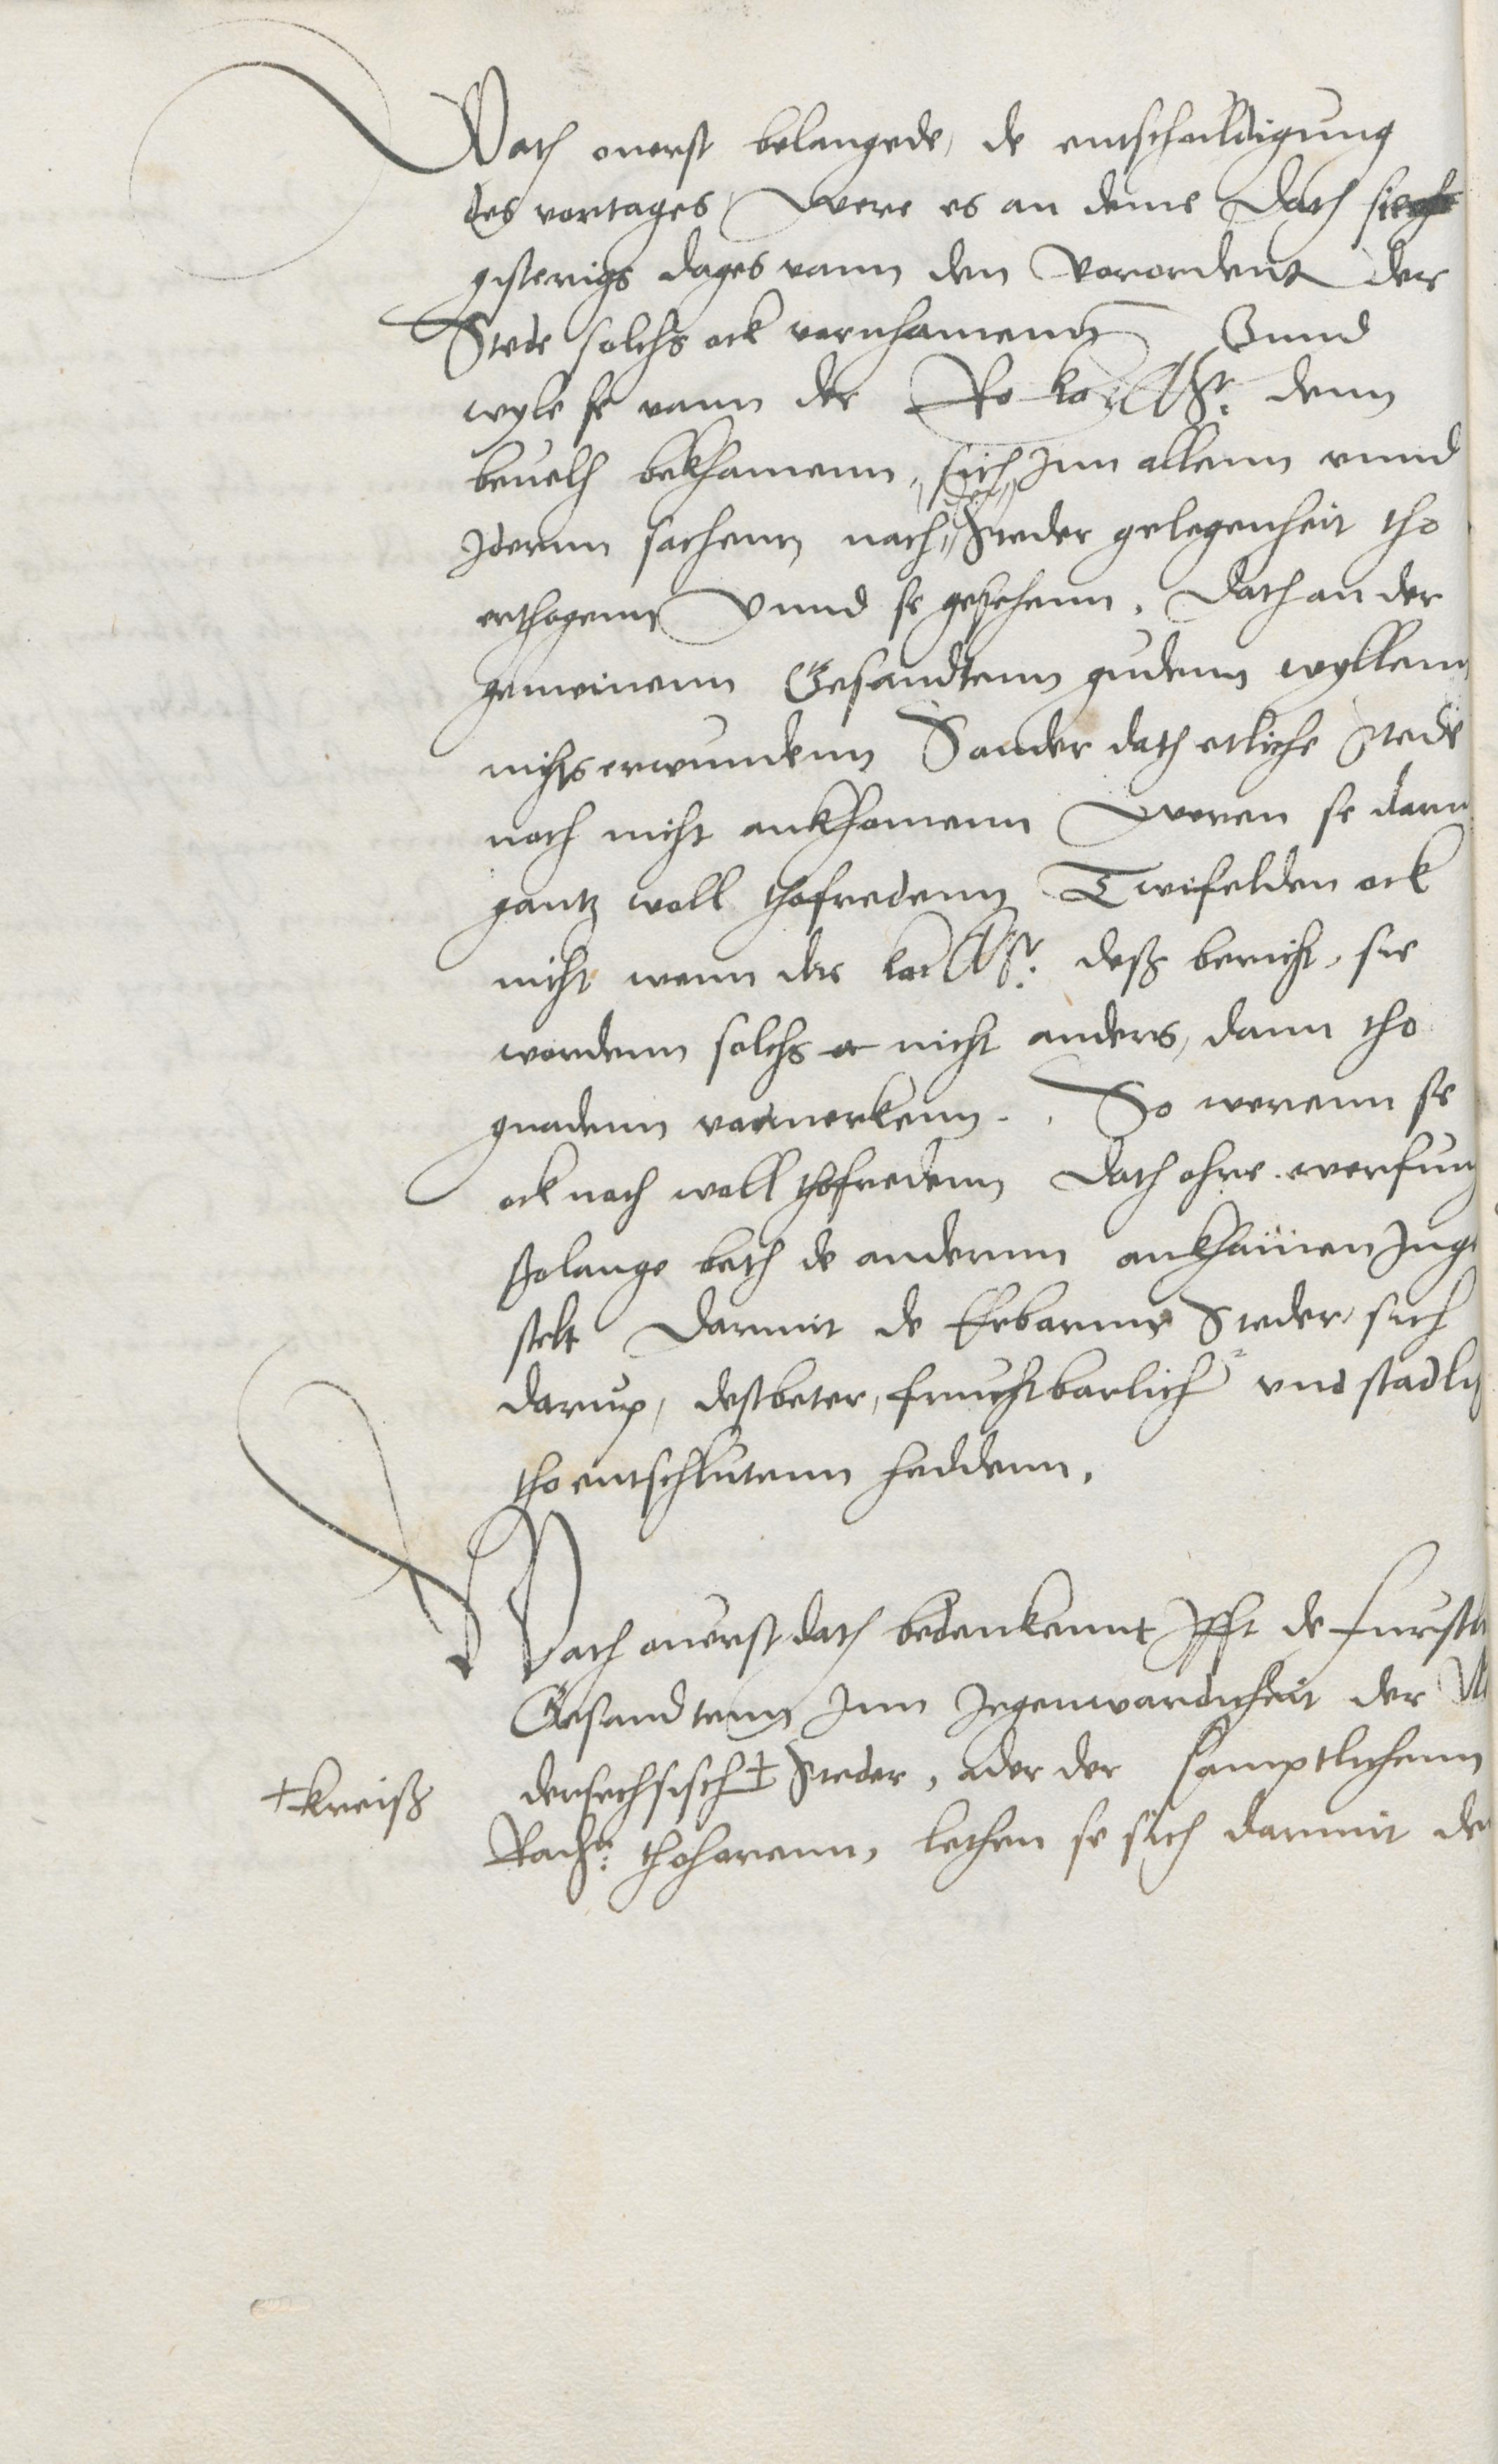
Wath ouerst belangede, de entschuldigung
des vortages Were es an deme Dath sie h
gisterigs dages vann den Vorordenten der
Stede solchs ock vernhamenn Vnnd
wyle se vann der Ro: Ko: M: denn
beuelh bekhamenn, sich jnn allenn vnnd
jdernn sachenn nach der Steder gelegenheit tho
erthogenn Vnnd se gesehenn. Dath an der
gemeinenn Gesandtenn gudenn wyllenn
nichts erwundenn Sander dath etliche Stede
noch nicht ankhomenn Weren se dann
gantz woll thofredenn Twifelden ock
nicht wenn die Ko: M: deß bericht, sie
wordenn solchs a nicht anders, dann tho
gnadenn vormerkenn, So werenn se
ock noch woll thofredenn Dath ohre werfung
ßolange beth de andernn ankhamen jnge
stelt Darmit de Erbarnn Steder, sich
darup, destbeter, fruchtbarlicher vnd stadlich
tho entschlutenn heddenn.
Wath auerst dath bedenkennt jfft de Furstli
Gesandtenn jnn jegenwardicheit der Ne
dersechsischen + Steder, aber der samptlichenn
Radessendeboden thohorenn, lethen se sich darmit de
+ kreiß
